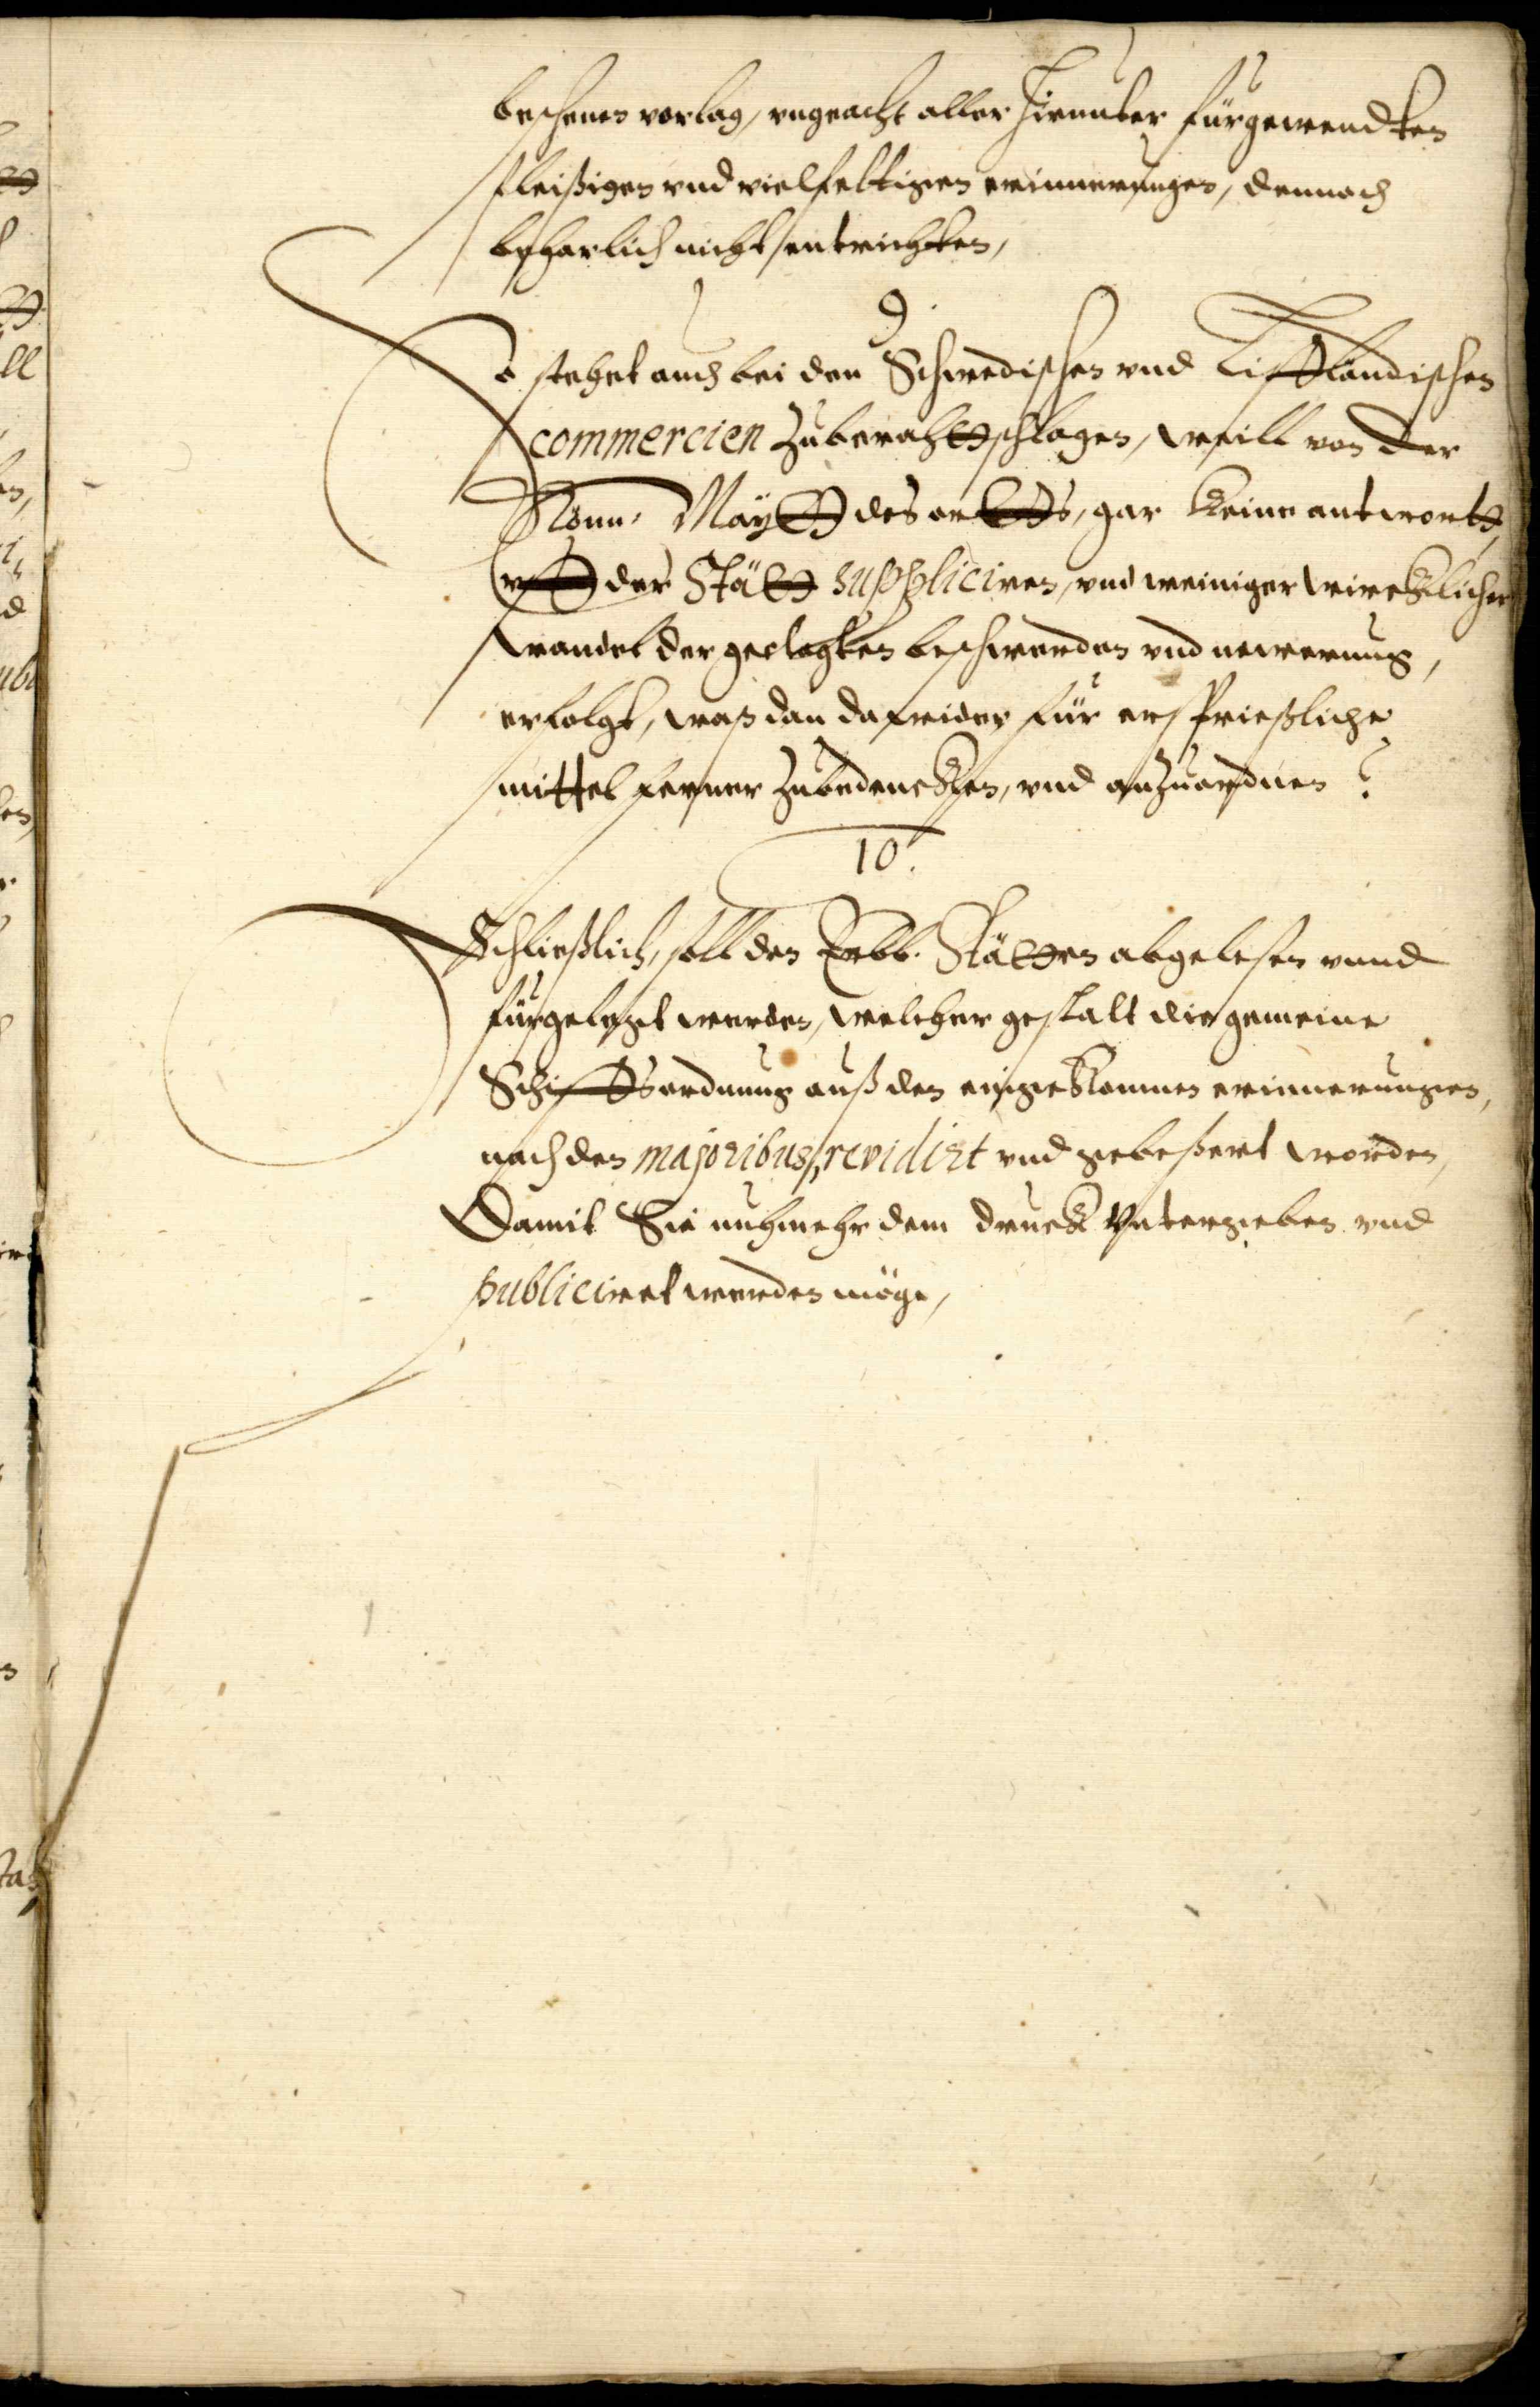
beschenen vorlag, vngeacht aller hirnuber fürgewendten
fleißigen vnd vielfeltigen erinnerungen, dennoch
beharlich nicht entrichten,
9.
So stehet auch bei den Schwedischen vnd Liffländischen
commercien zuberahttschlagen, weill von der
Könn: Maijtt des ortts, gar keine antwortt
vff der Stätt suppliciren, vnd weiniger wirckliche
wandel der geclagten beschwerden vnd newerung,
erfolgt, waß dan dawider für ersprießliche
mittel ferner zubedencken, vnd anzuordnen ?
10.
Schließlich, soll den Erbb. Stätten abgelesen vnnd
fürgeleget werden, welcher gestalt die gemeine
Schiffsordnung auß den eingekomnen erinnerungen,
nach den majoribus, revidirt vnd gebeßert worden,
Damit Sie nuhmehr dem druck vntergeben vnd
publiciret werden möge,
